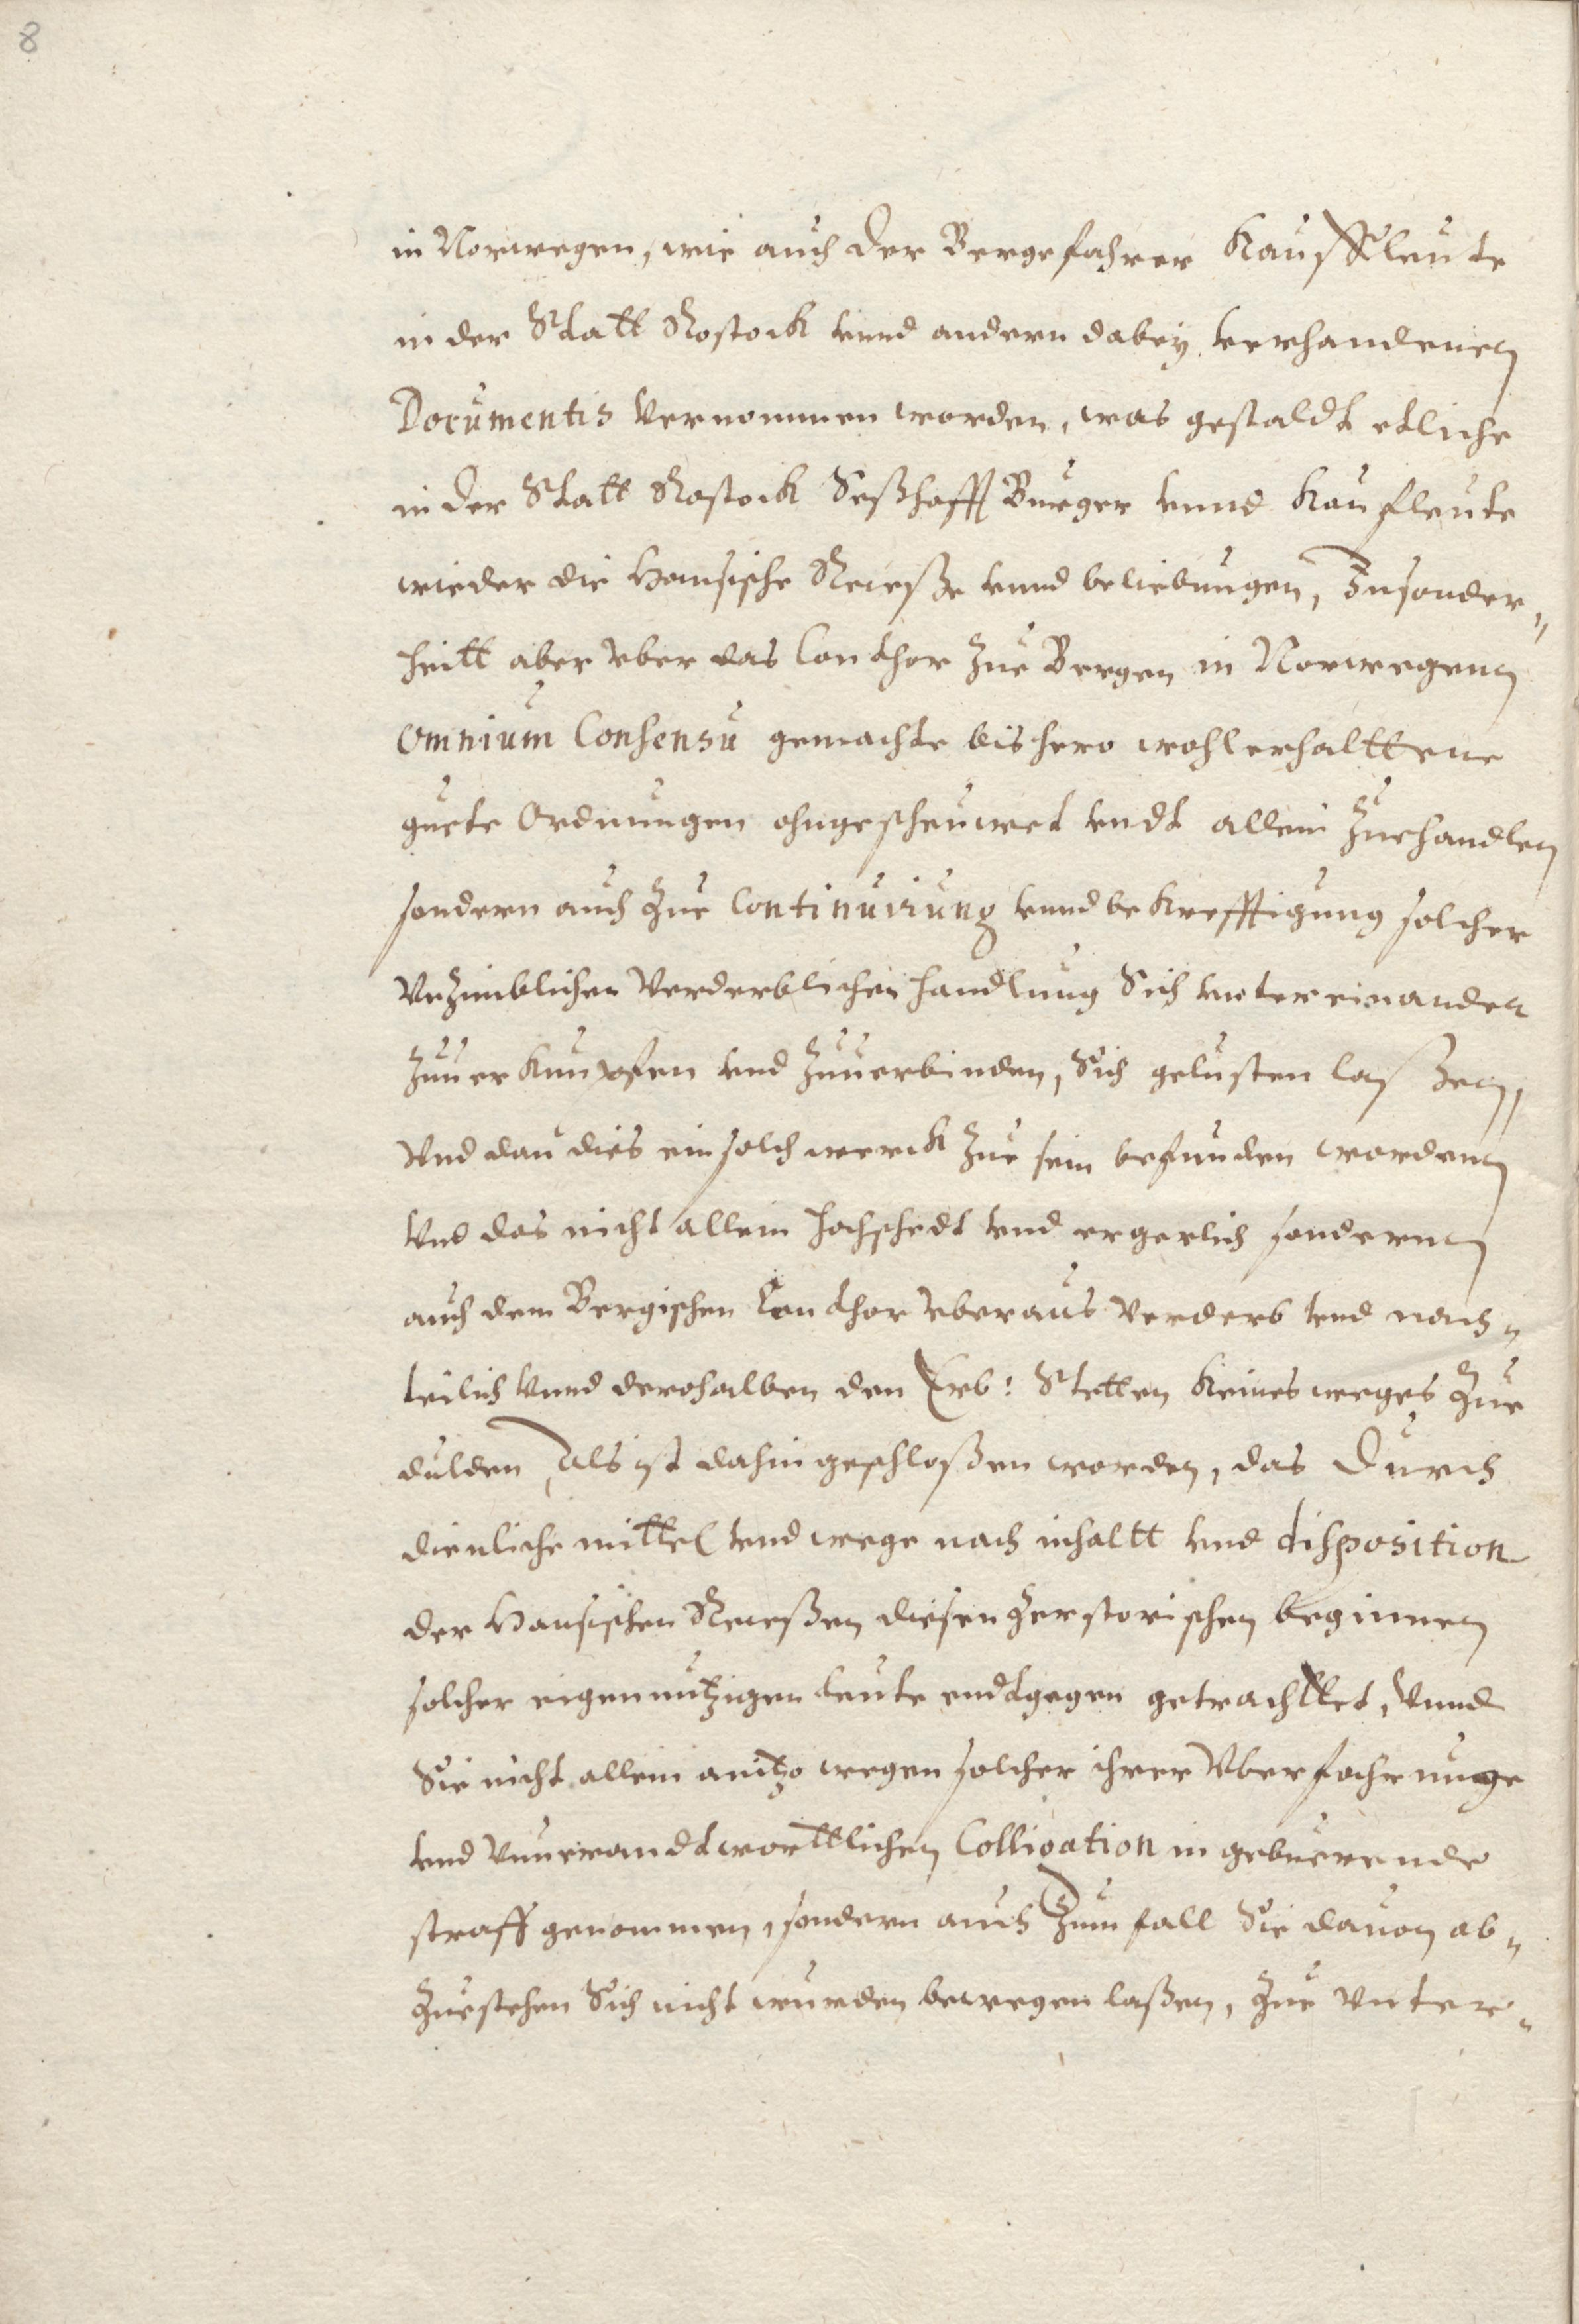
in Norwegen, wie auch der Bergefahrer Kauffleute
in der Statt Rostock vnnd andern dabeij verhandenen
Documentis vernommen worden, was gestaldt etliche
in der Statt Rostock Seßhaftt Burger vnnd Kaufleute
wieder die Hansische Receße vnnd beliebungen, Insonder¬
heitt aber vber das Conthor zue Bergen in Norwegenn
omnium Consensu gemachte bishero wohl erhalttene
guete Ordnungen ohngescheuwet vndt allein zuehandlen
sondern auch zue Continuirung vnnd bekrefftigung solcher
Vnzimblichen Verderblichen Handlung Sich vntereinander
zuuerknupfen vnd zuuerbinden, Sich gelusten laßen,
vnd dan dies ein solch werck zue sein befunden wordenn
Vnd das nicht allein hochschedt vnd ergerlich sondernn
auch dem Bergischen Conther vberaus verderb vnd nach¬
teilich vnd derohalben den Erb: Stetten keinesweges zue
dulden, Als ist dahin geschloßen worden, das durch
dienliche mittel vnd wege nach inhaltt vnd disposition
der Hansischen Receßen diesen zerstorischen beginnen
solcher eigennutzigen leute endtgegen getrachtet, vnnd
sie nicht allein anitzo wegen solcher ihrer Vberfahrunge
vnd vnuerandtwortlichen Colligation in gebuerende
straff genommen, sondern auch zum fall die dauon ab¬
zuestehen Sich nicht wurden bewegen laßen, zue vnter¬
